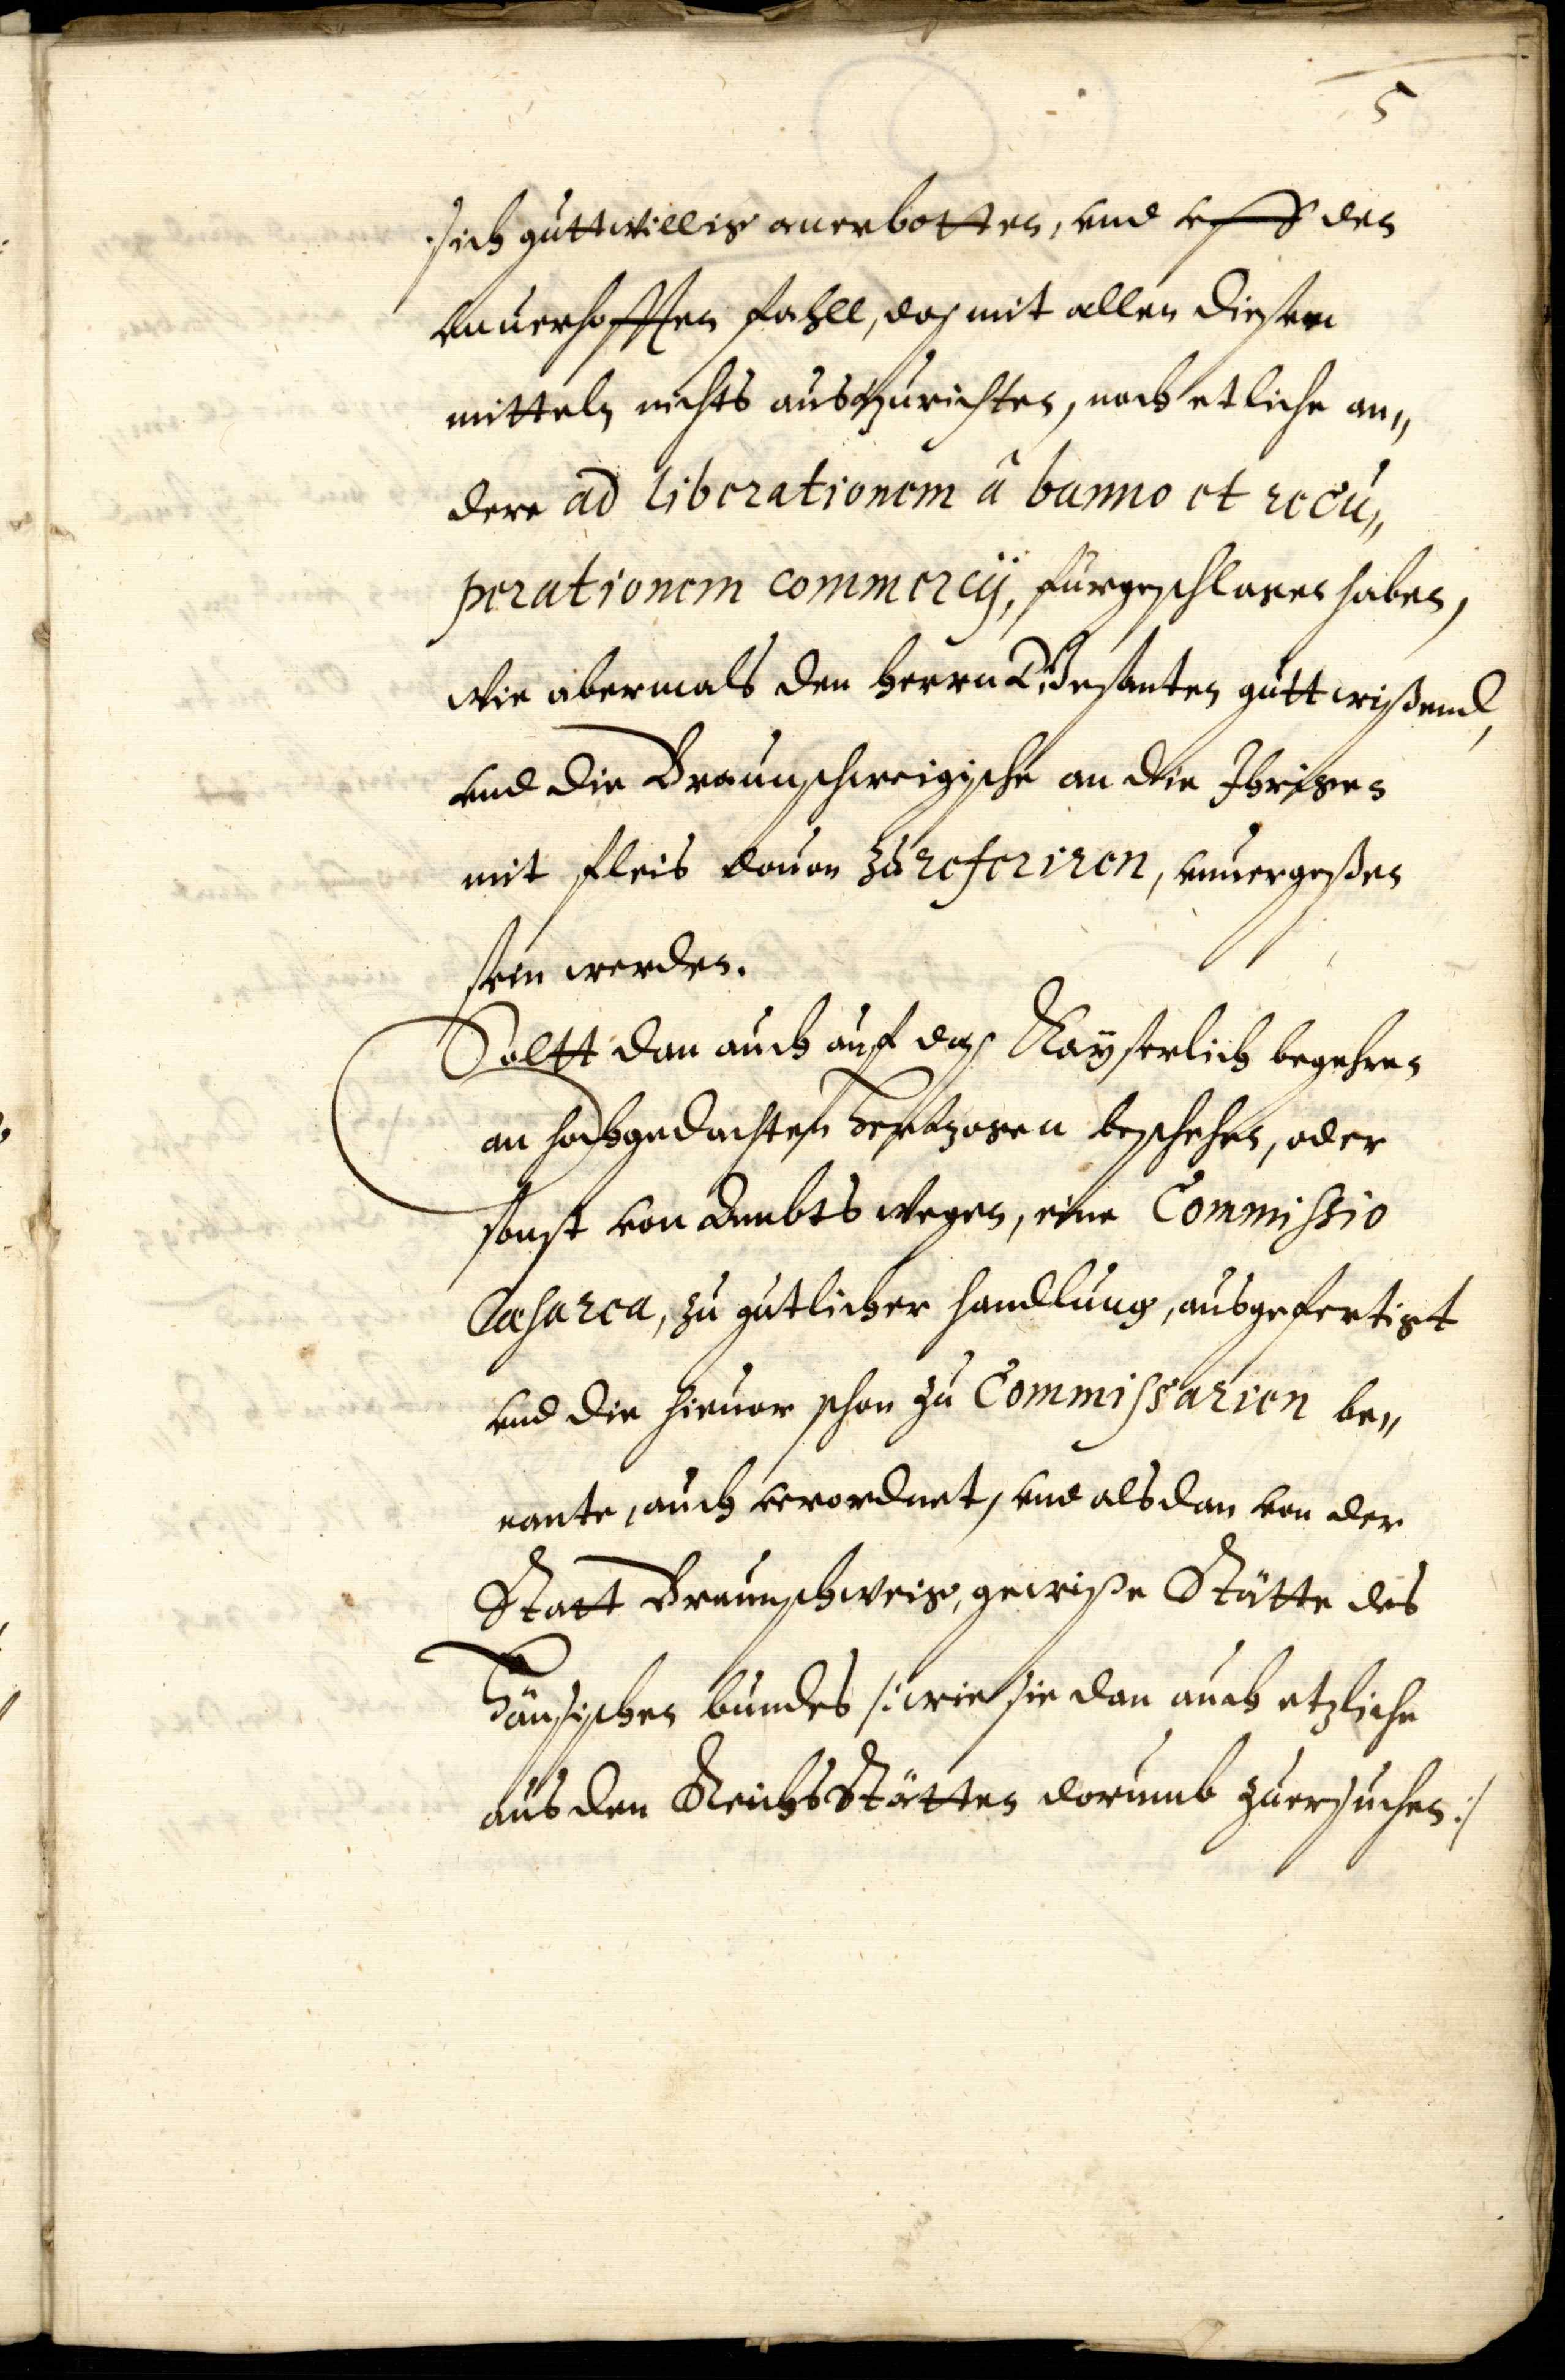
5
sich guttwillig anerbotten, vnd vff den
vnuerhofften fahll, das mit allen diesem
mitteln nichts austzurichten, noch etliche an¬
dere ad liberationem â banno et recu¬
perationem commercij, furgeschlagen haben,
wie abermals den herrn Gesanten gutt wißend,
vnd die Braunschweigische an die Ihrigenn
mit fleis douon zu referiren, vnuergeßen
sein werden.
Soltt dan auch auf das Kaijserlich begehren
an hochgedachten Hertzogen beschehen, oder
sonst von Ambts wegen, eine Commissio
Caesarea, zu gutlicher handlung, ausgefertigt
vnd die hieuor schon zu Commissarien be¬
nante, auch verordnet, vnd als dan von der
Statt Braunschweig, gewiße Stätte des
Hänsischen bundes /: wie sie dan auch etzliche
aus den Reichs Stätten dorumb zuersuchen:/
